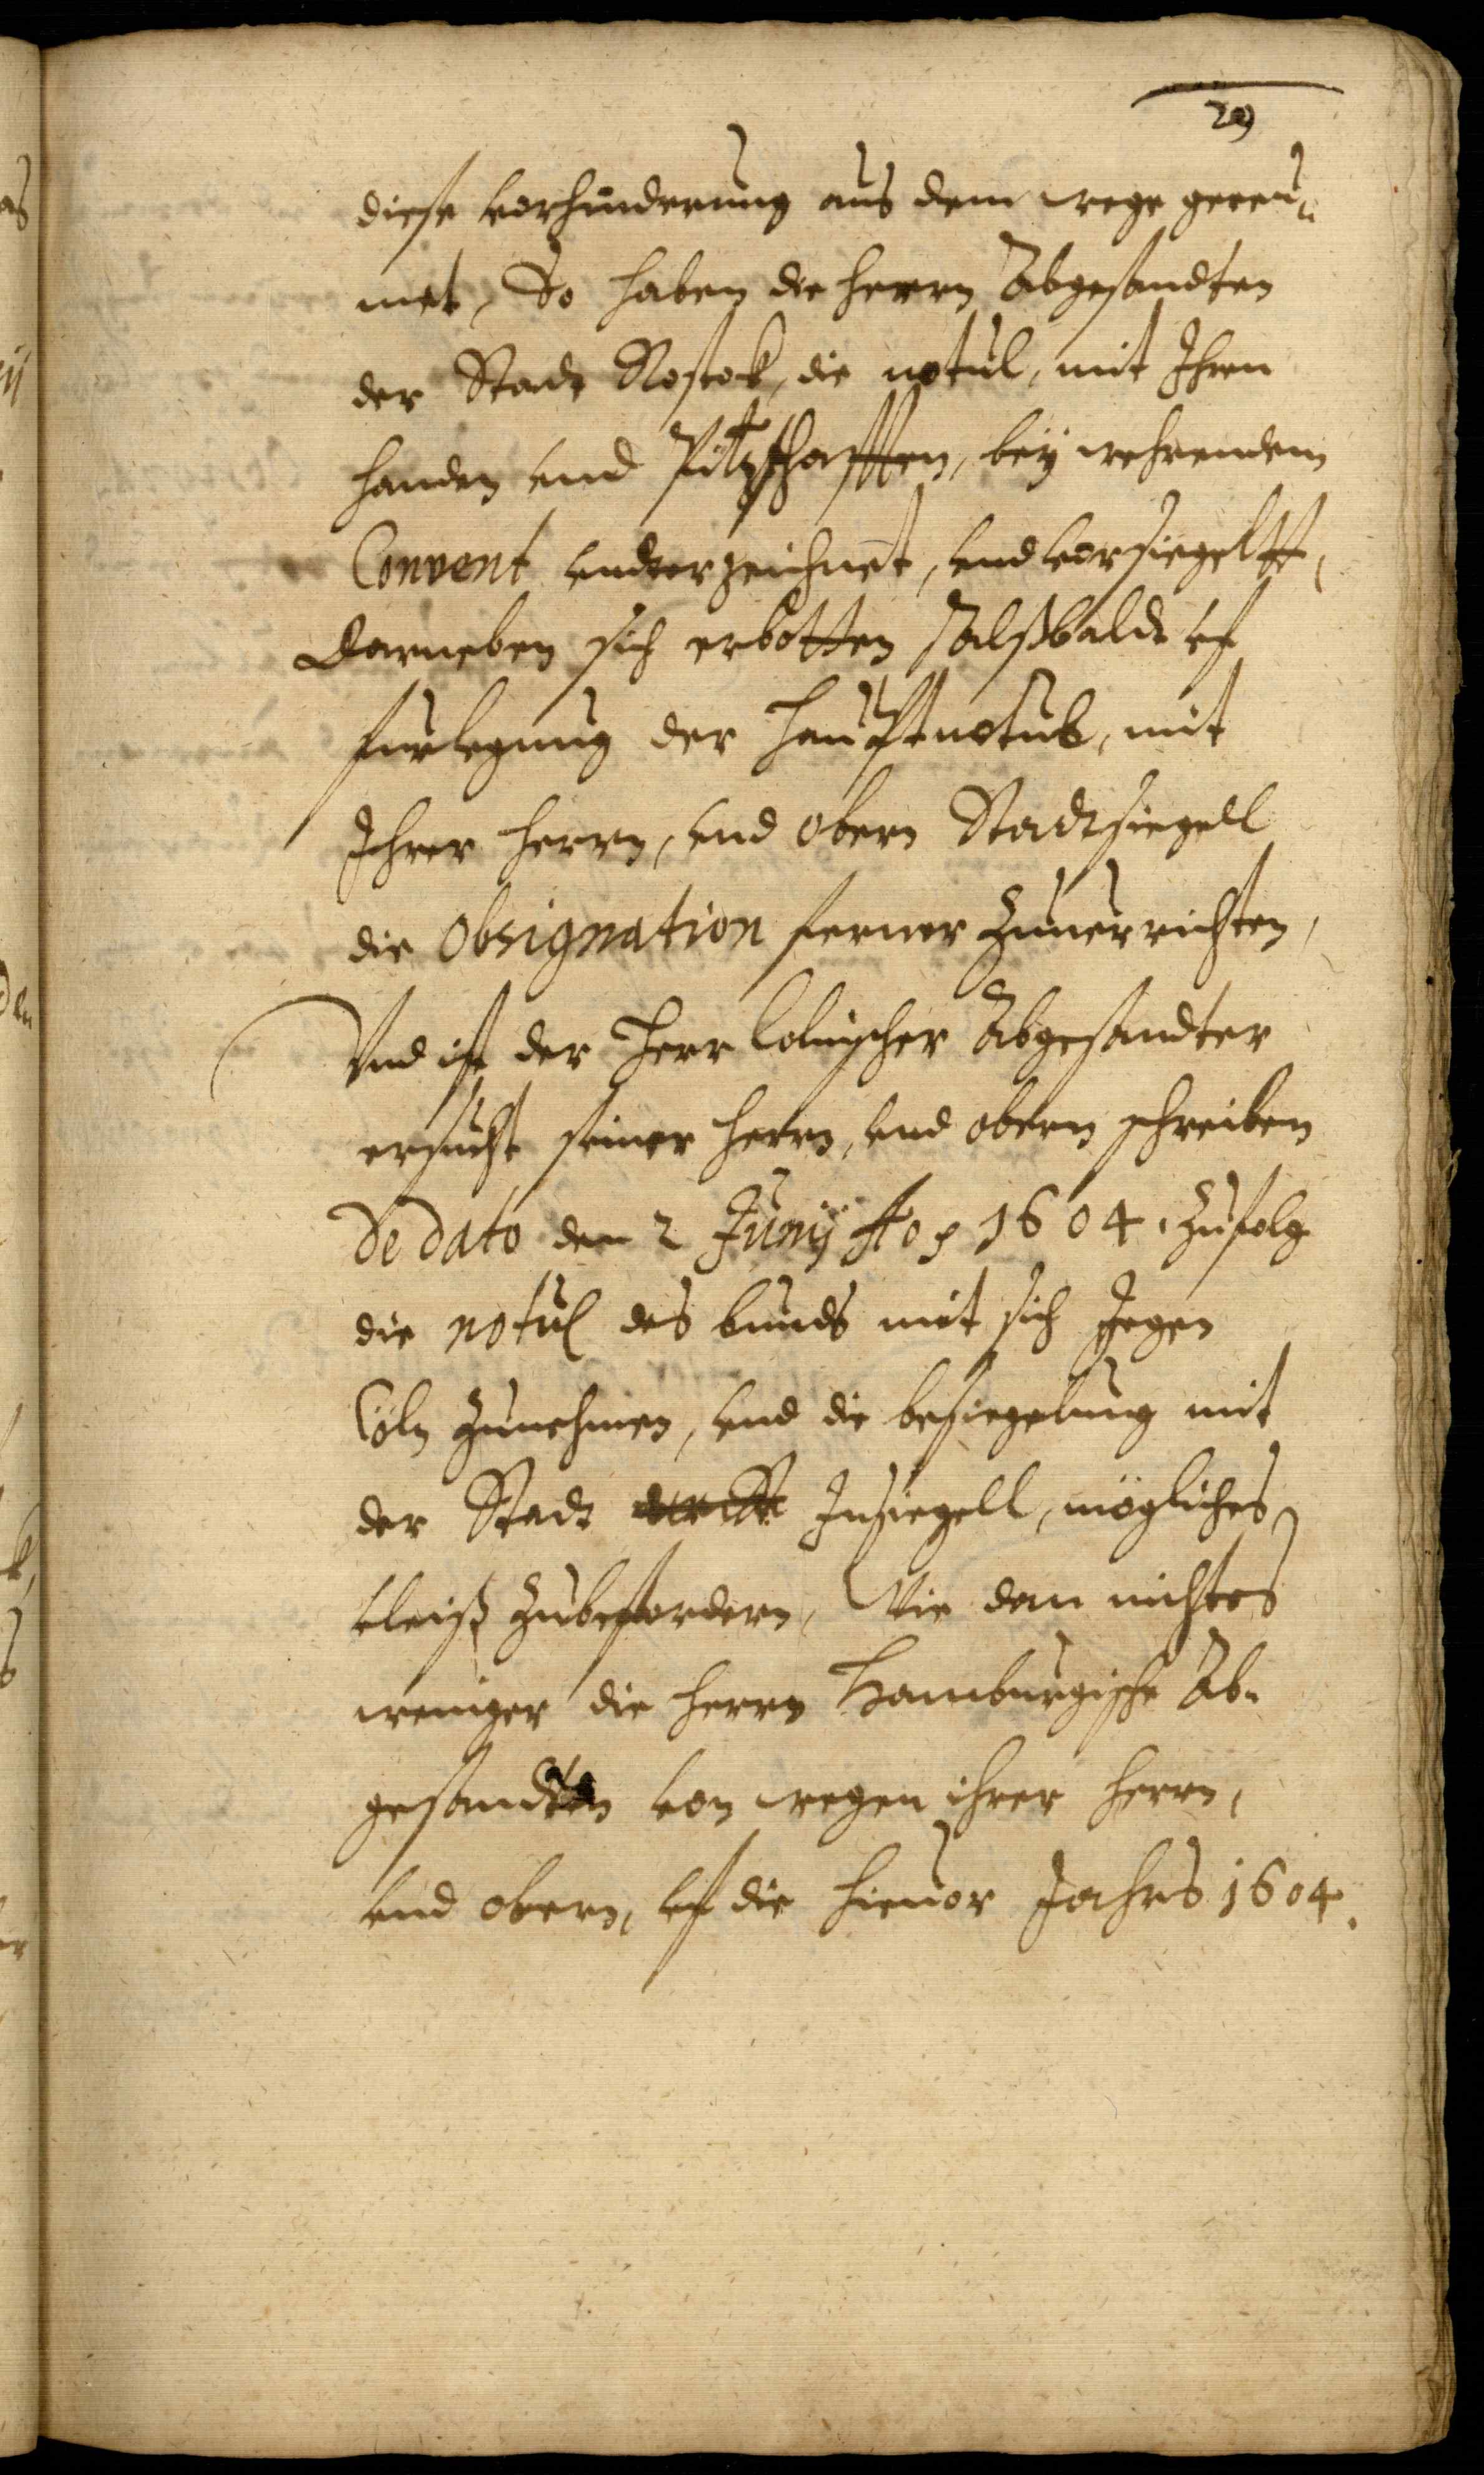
29
diese vorhinderung aus dem wege gereu¬
met, So haben die herrn Abgesandten
der Stadt Rostock, die notul, mit Ihren
handen vnd Pitzschaftten, beij wehrendem
Convent vnderzeichnet, vnd vorsiegeltt,
darneben sich erbotten Alßbaldt vf
furlegung der hauptnotul, mit
Ihrer herrn, vnd obern Stadtsiegell
die Obsignation ferner zuuerrichten,
vnd ist der Herr Colnische abgesandter
ersucht seiner herrn, vnd obern schreiben
de dato den 2 Iunij Ao p 1604. zufolg
die notul des bunds mit sich Jegen
Cöln zunehmen, vnd die besiegelung mit
der Stadt derSte Insiegell, mögliches
vleiß zubefordern, wie dan nichtes
weniger die herrn Hamburgische ab¬
gesandten von wegen ihrer herrn,
und obern, vf die hieuor Jahres 1604.
